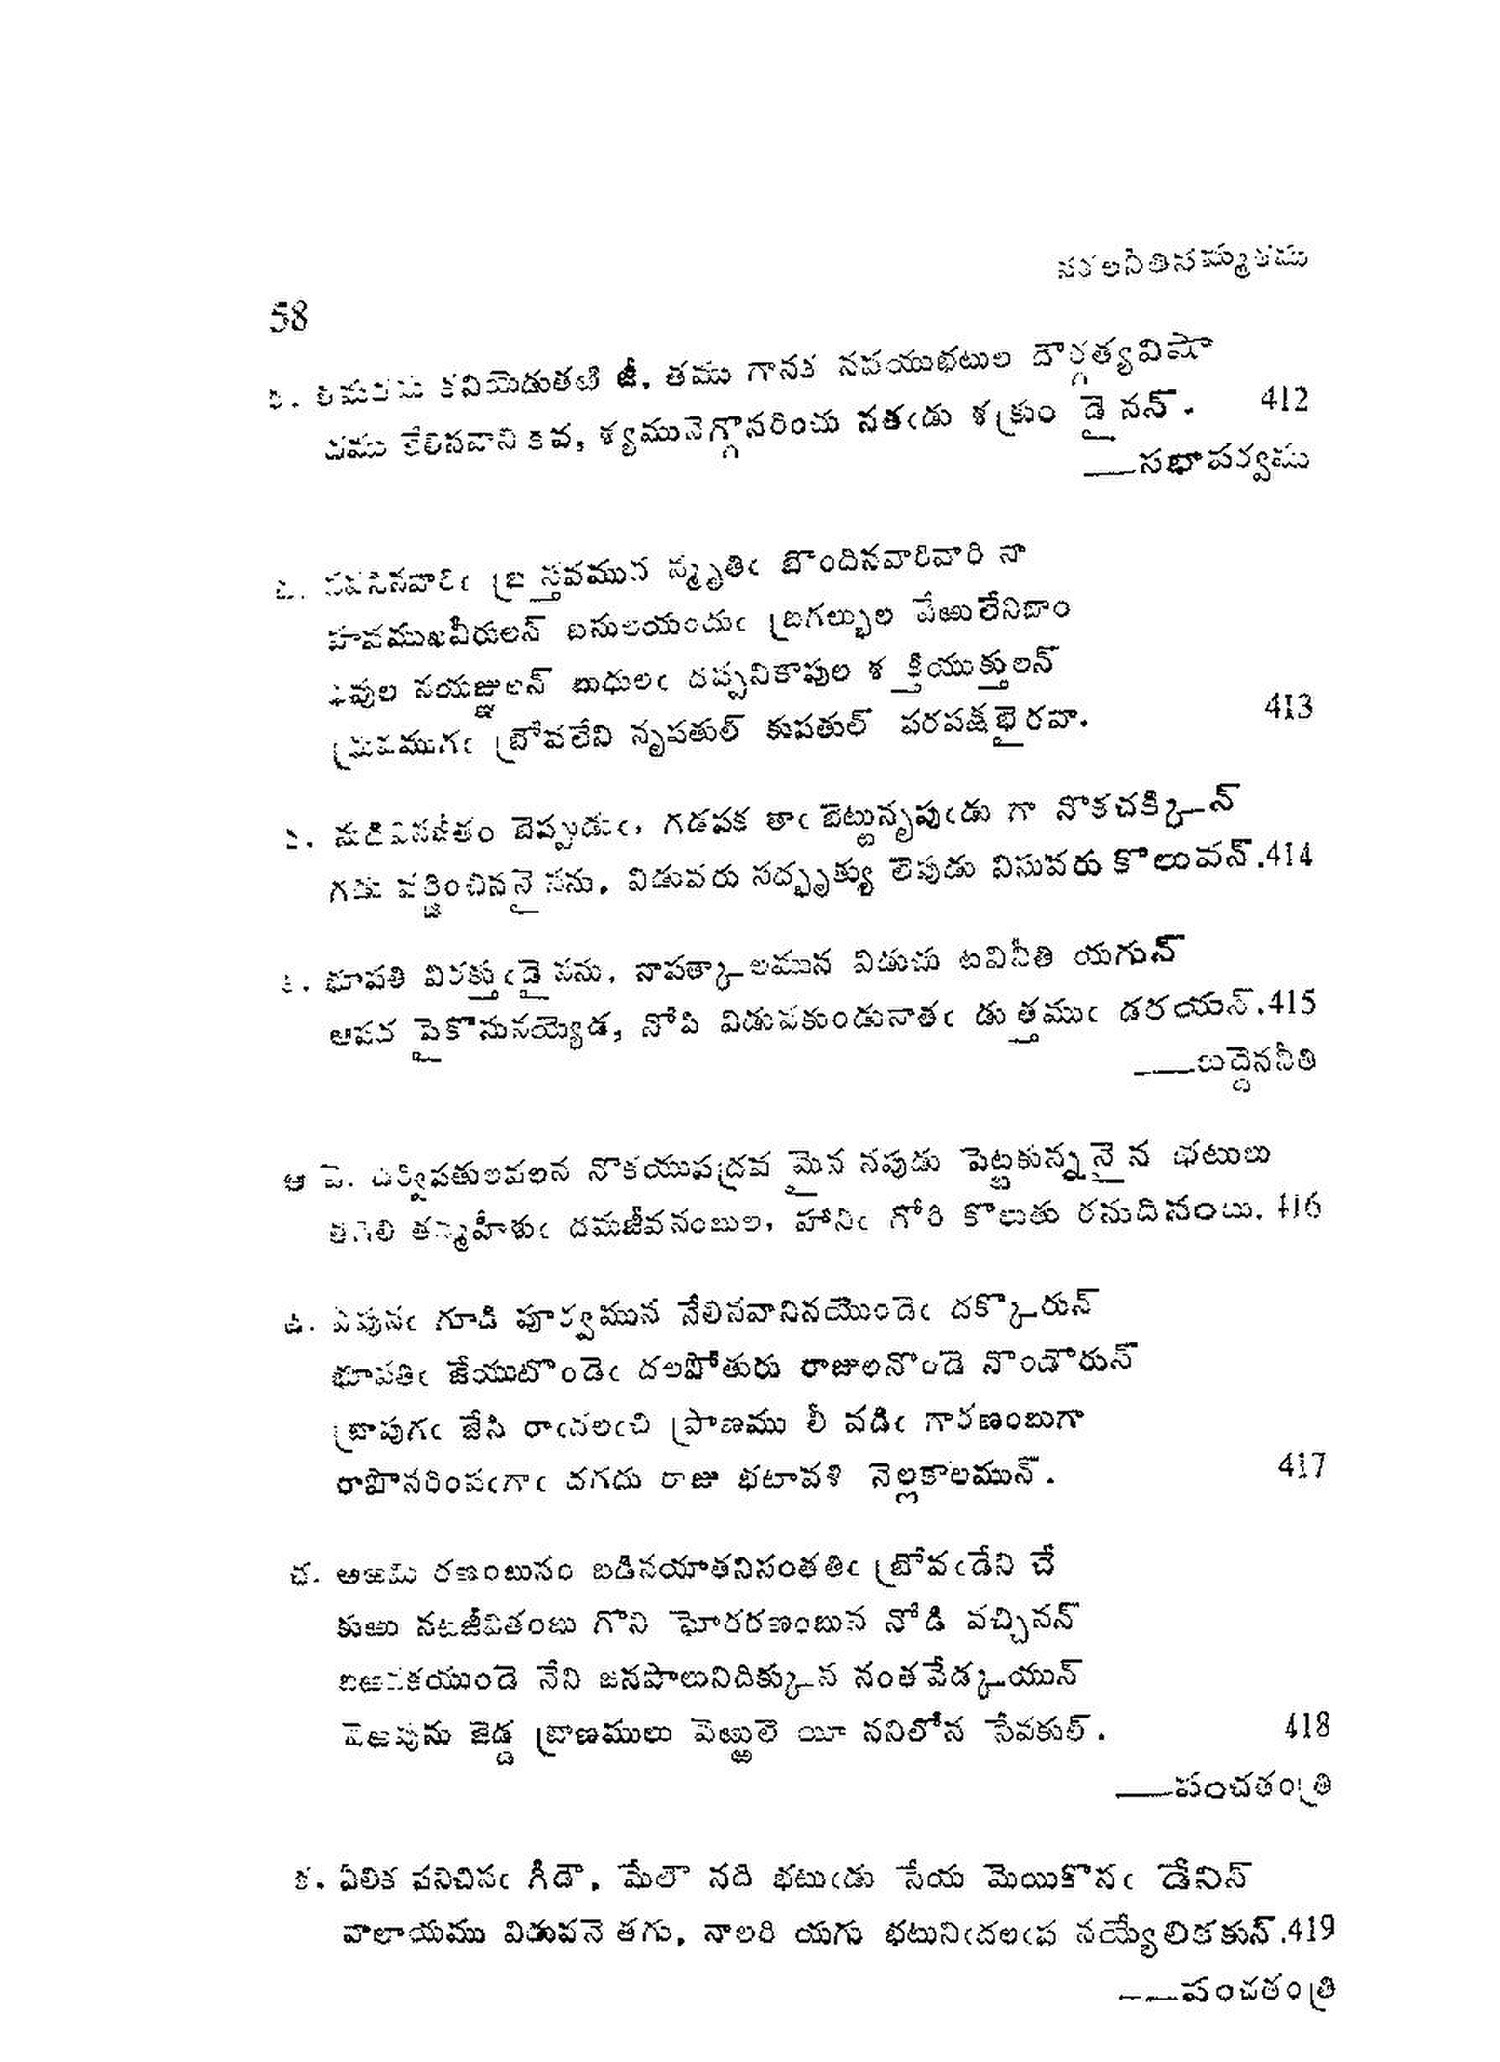క. తమతమ కనియెడుతరి జీ
తము గానక నవయుభటుల దౌర్గత్యవిషా
దము లేలినవాని కవ
శ్యము నెగ్గొనరించు నతఁడు శత్రుం డైనన్. 412

చ. నవసినవారిఁ బ్రస్తవమున స్మృతిఁ బొందినవారివారి నా
హవముఖవీరులన్ బనులయందుఁ బ్రగల్భుల వేఱులేనిబాం
ధవుల నయజ్ఞులన్ బుధులఁ దప్పనికాపుల శక్తియుక్తులన్
ధ్రువముగఁ బ్రోవలేని నృపతుల్ కుపతుల్ పరపక్షవైభవా. 413

క. నుడివినజీతం బెప్పుడుఁ
గడపక తాఁ బెట్టునృపుఁడు గా నొకచక్కిన్
గడు వర్జించిననైనను
విడువరు సద్భృత్యు లెపుడు విసువరు కొలువన్. 414

క. భూపతి విరక్తుఁడైనను
నాపత్కాలమున విడుచు టవినీతి యగున్
ఆపద పైకొనునయ్యెడ
నోపి విడువకుండునాతఁ డుత్తముఁ డరయన్. 415

ఆ. ఉర్విపతులవలన నొకయుపద్రవ మైన
నపుడు పెట్టకున్న నైన భటులు
తగిలి తన్మహీశుఁ దమ జీవనంబుల
హానిఁ గోరి కెలుచు రనుదినంబు. 416

ఉ. ఏపునఁ గూడి పూర్వమున నేలినవానినయొండెఁ దక్కొరున్
భూపతిఁ జేయుటొండెఁ దలపోతురు రాజులనొండె నొండొరున్
బ్రాపుగఁ జేసి రాఁదలఁచి ప్రాణము లీ వడిఁ గారణంబుగా
రాపొనరింపఁగాఁ దగదు రాజు భటావళి నెల్లకాలమున్. 417

చ. అఱమి రణంబునం బడిన యాతని సంతతిఁ బ్రోవఁడేని చే
కుఱు నట జీవితంబు గొని ఘోరరణంబున నోడి వచ్చినన్
బఱవకయుండె నేని జనపాలుని దిక్కున నంత వేడ్కయున్
వెఱవును జెడ్డ బ్రాణములు వెఱ్ఱులె యీ ననిలోన సేవకుల్. 418

క. ఏలిక పనిచినఁ గీడౌ
మే లౌ నది భటుఁడు సేయ మెయికొనఁ డేనిన్
వాలాయము విడువనె తగు
నాలరి యగు భటునిఁ దలఁప నయ్యేలికకున్. 419